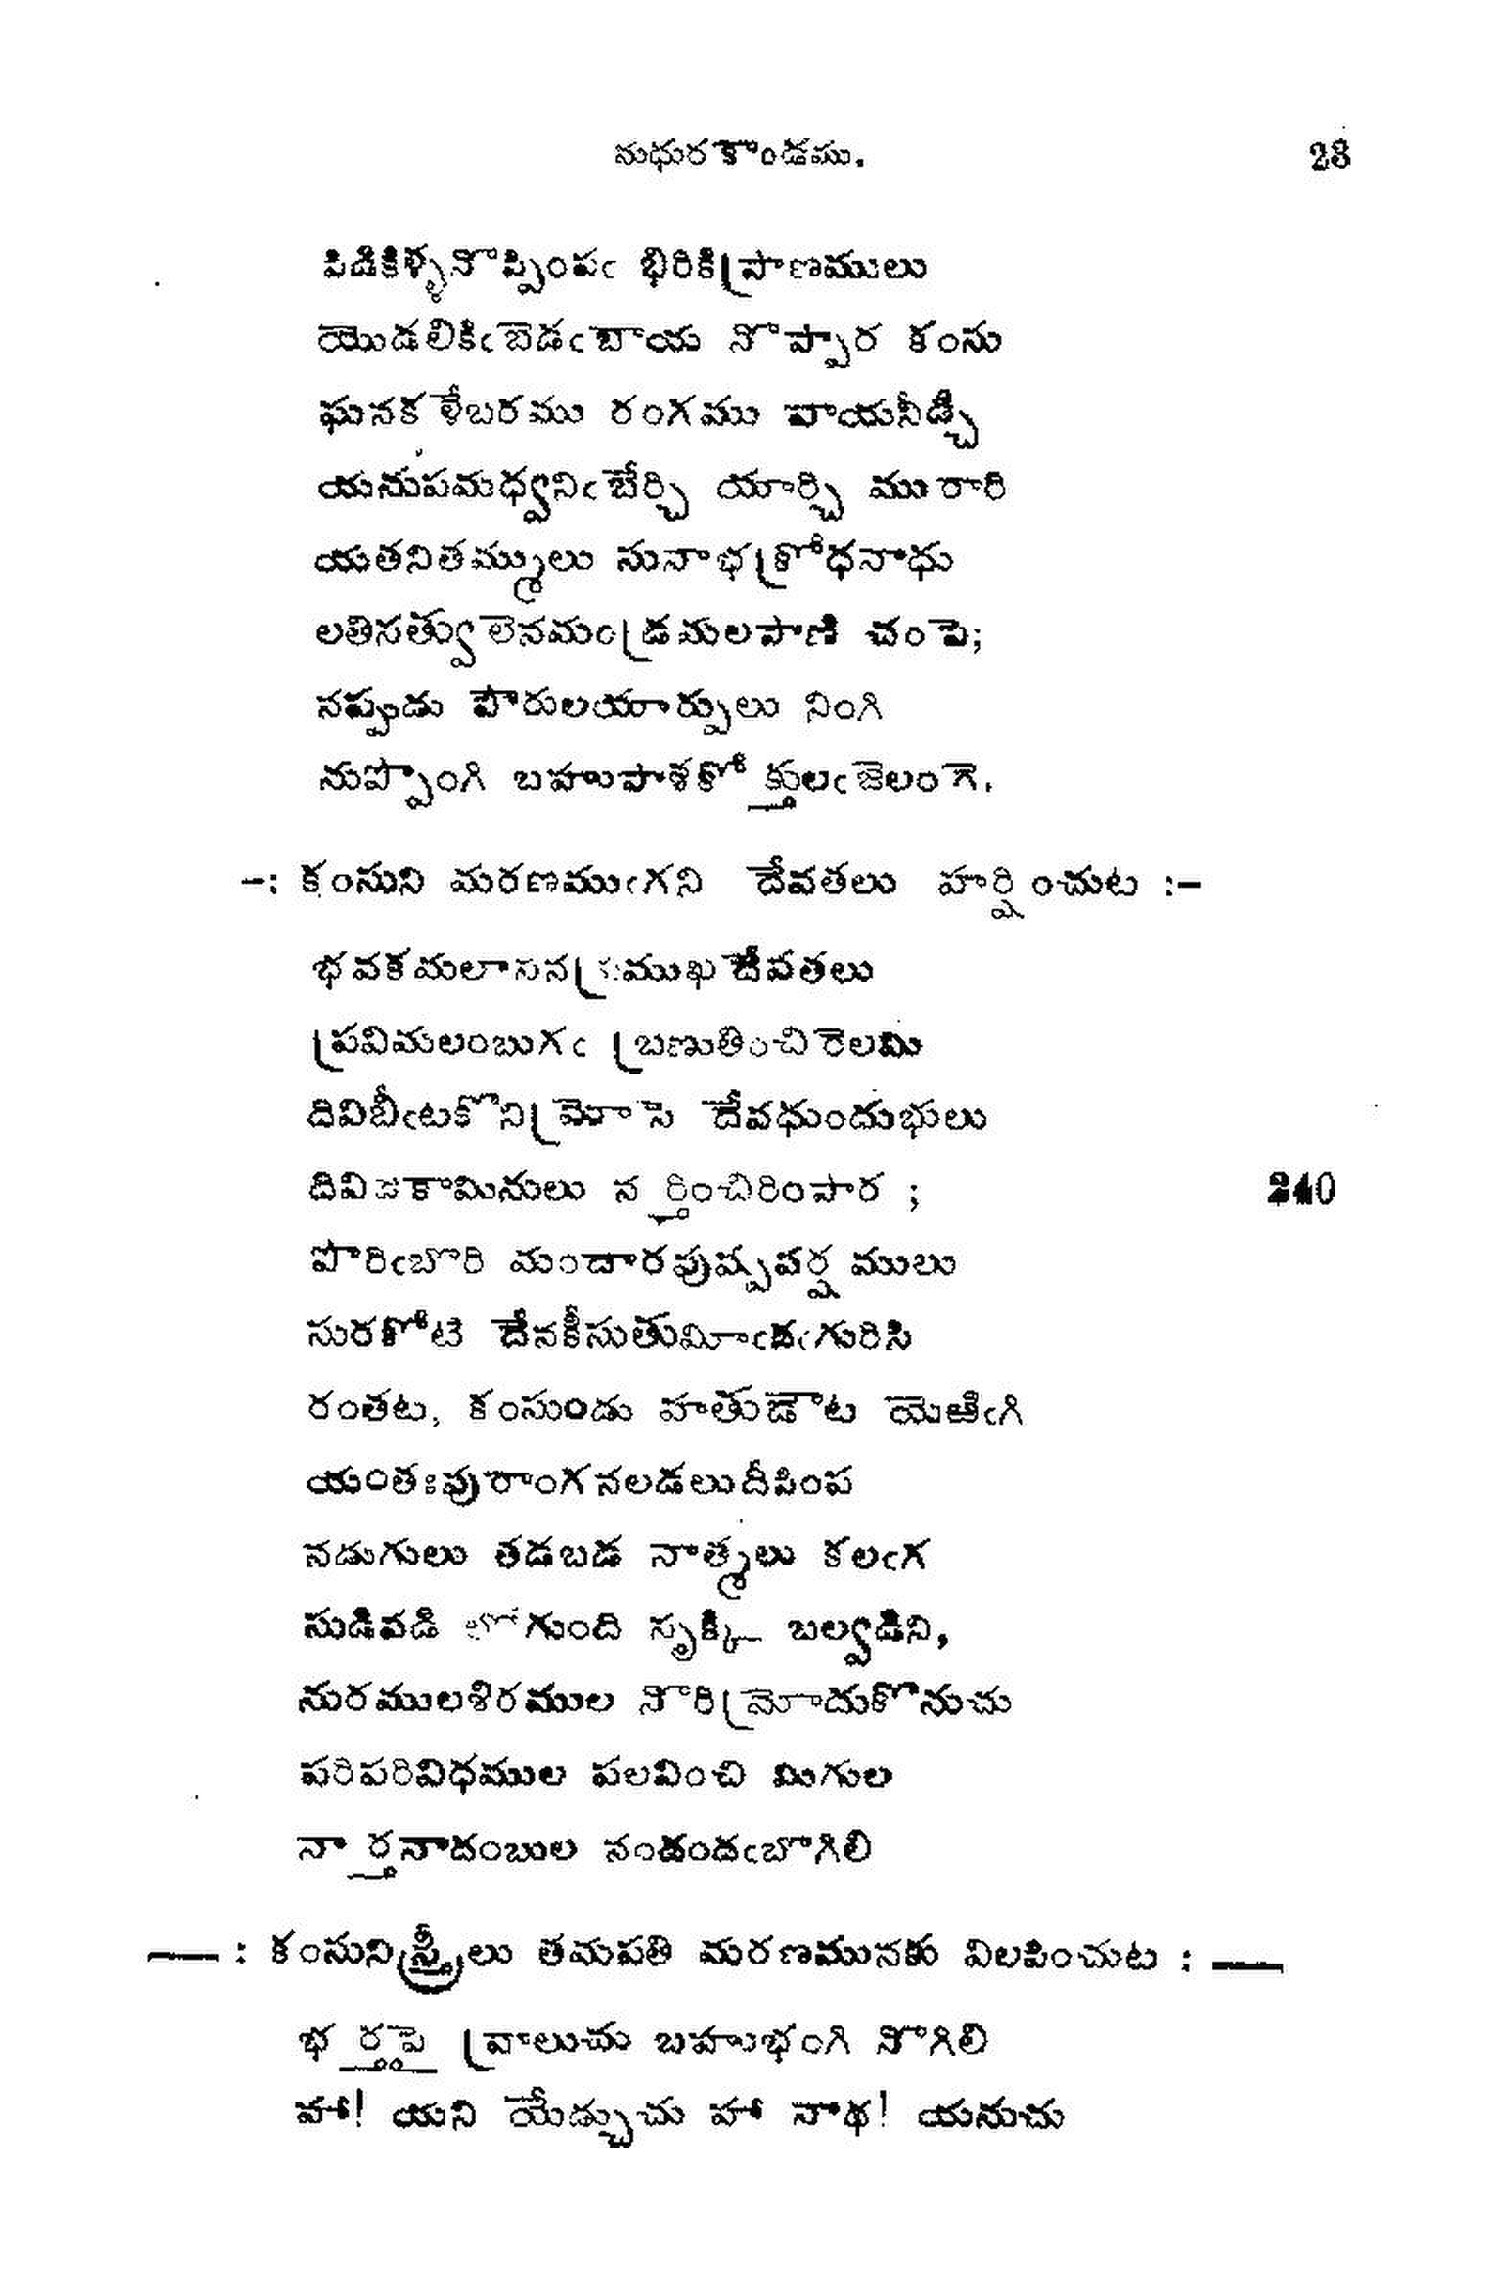పిడికిళ్ళ నొప్పింపఁ భిరికి ప్రాణములు
యొడలికిఁబెడఁబాయ నొప్పార కంసు
ఘనకళేబరము రంగము వాయనీడ్చి
యనుపమధ్వనిఁ బేర్చి యార్చి మురారి
యతనితమ్ములు సునాభక్రోధనాథు
లతిసత్వు లెనమండ్ర మలపాణి చంపె;
నప్పుడు పౌరులయార్పులు నింగి
నుప్పొంగి బహుపాశకోక్తులఁ జెలంగె.

భవకమలాసనప్రముఖదేవతలు
ప్రవిమలంబుగఁ బ్రణుతించి రెలమి
దివిబీఁటకొని మ్రోసె దేవధుందుభులు
దివిజకామినులు నర్తించి రింపార;
పొరిఁబొరి మందారపుష్పవర్షములు
సురకోటి దేవకీసుతుమీఁదఁ గురిసి
రంతట, కంసుండు హతుడౌట యెఱిఁగి
యంతఃపురాంగన లడలు దీపింప
నడుగులు తడబడ నాత్మలు కలఁగ
సుడివడి లోగుంది సృక్కి బల్వడిని,
నురముల శిరముల నొరి మ్రోదుకొనుచు
పరిపరివిధముల పలవించి మిగుల
నార్తనాదంబుల నందంద బొగిలి

భర్తపై వ్రాలుచు బహుభంగి నొగిలి
హా! యని యేడ్చుచు హా నాథ! యనుచు